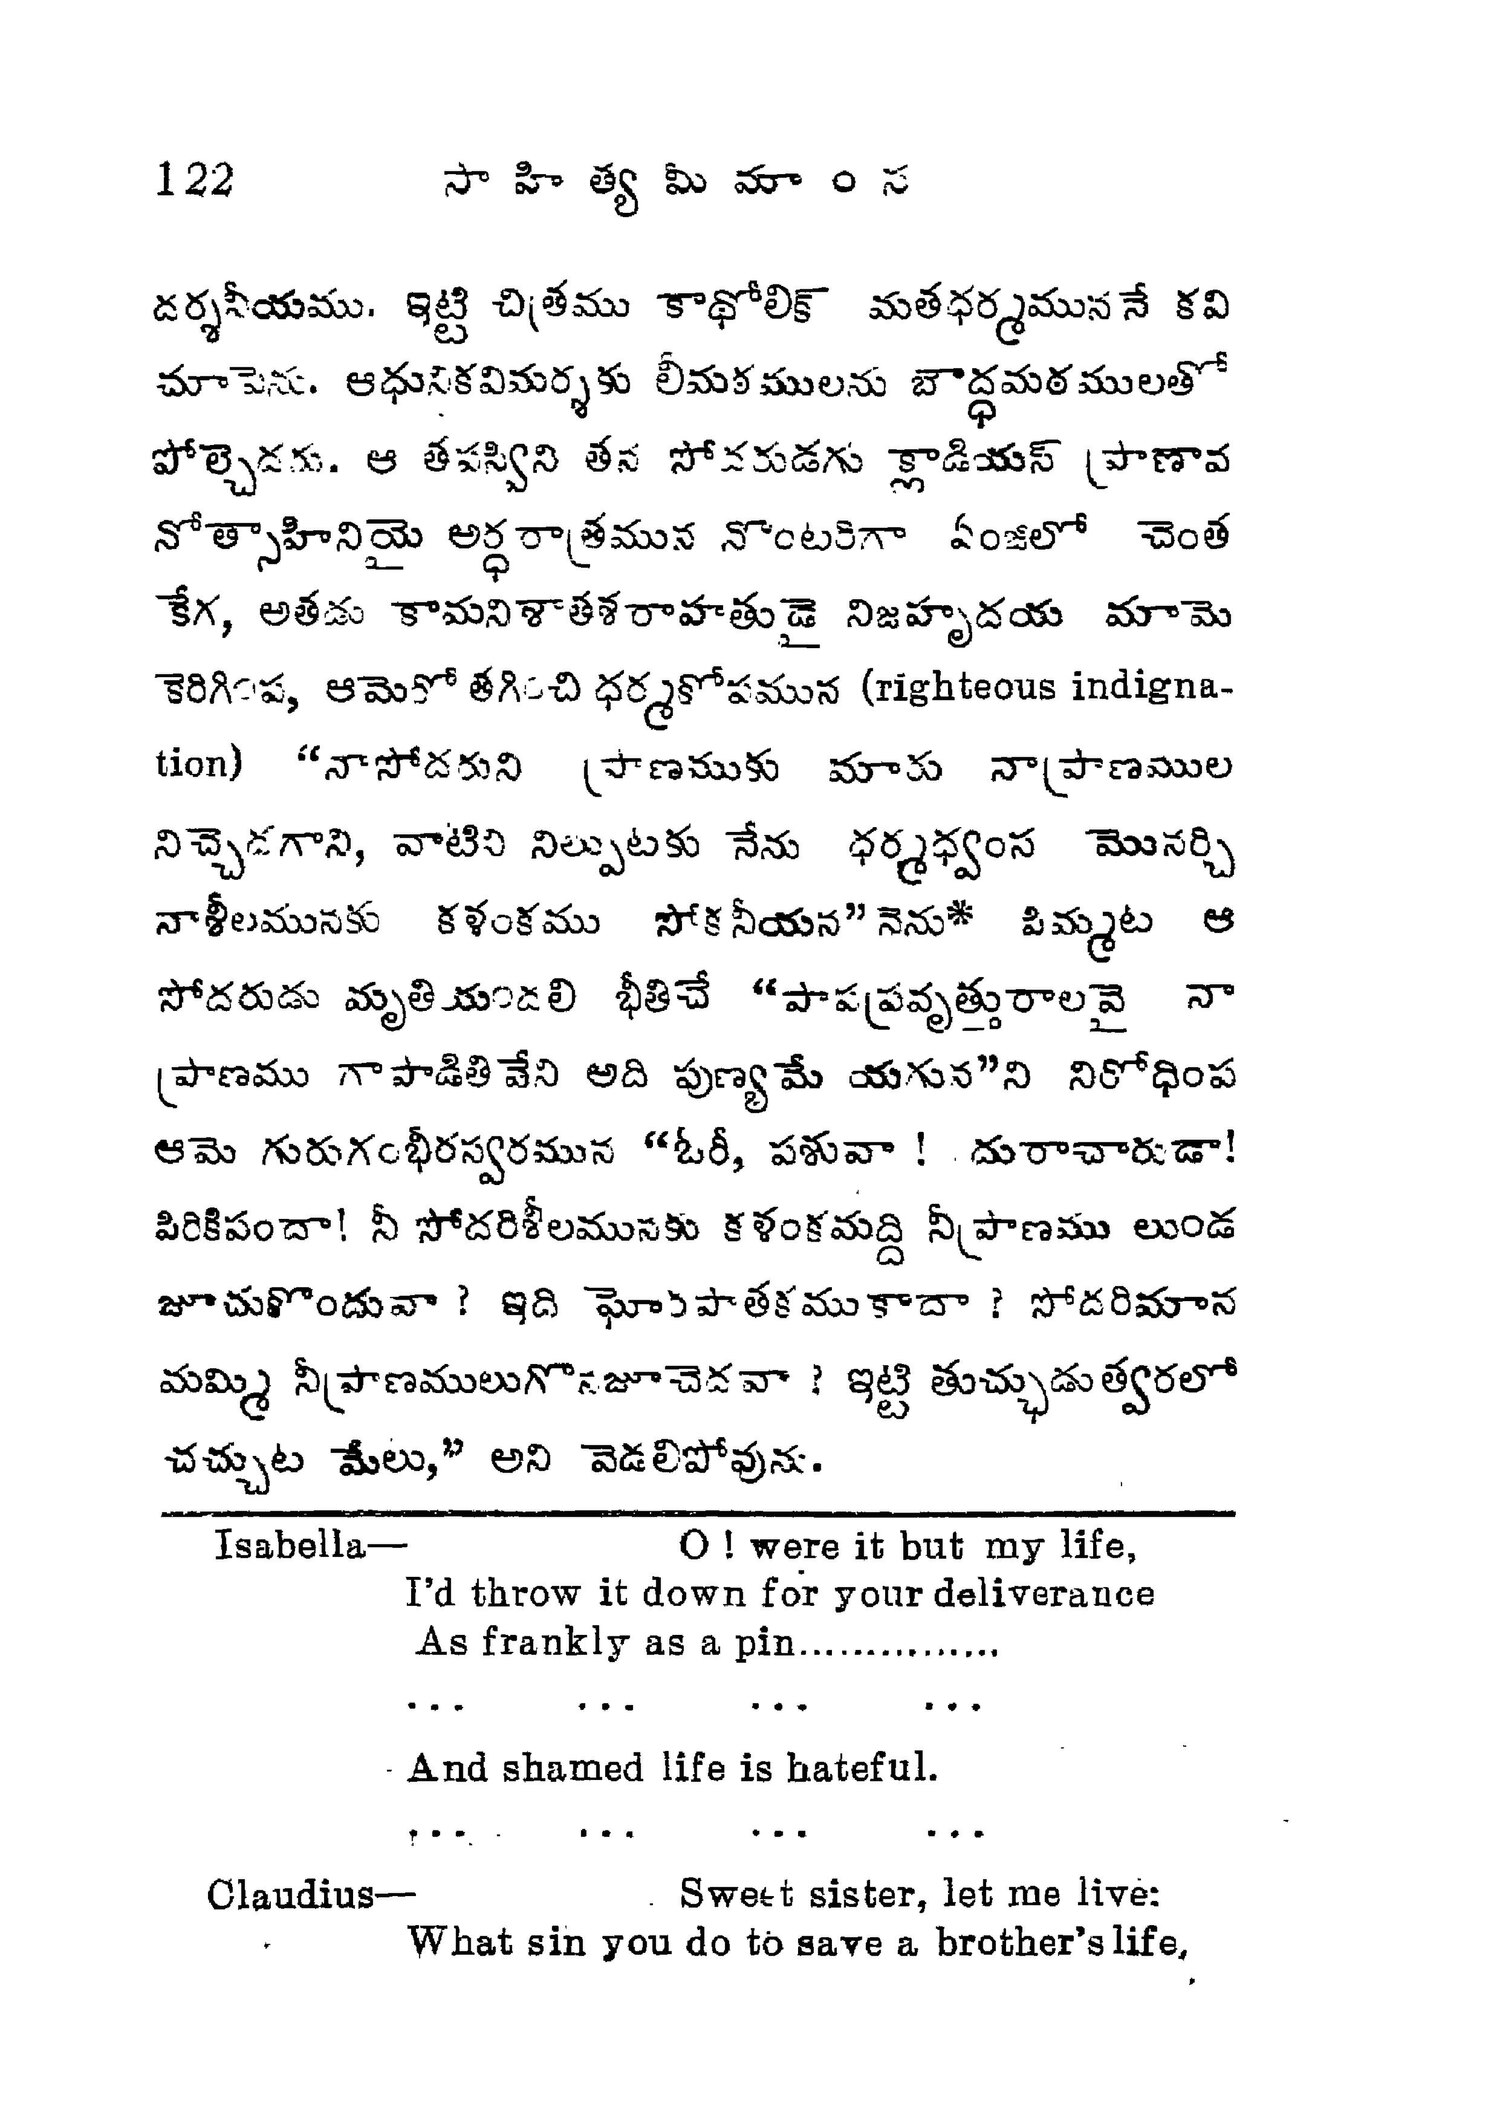దర్శనీయము. ఇట్టి చిత్రము కాథోలిక్ మతధర్మముననే కవి చూపెను. ఆధునికవిమర్శకు లీమఠములను బౌద్ధమఠములతో పోల్చెదరు. ఆ తపస్విని తన సోదరుడగు క్లాడియస్ ప్రాణావనోత్సాహినియై అర్ధ రాత్రమున నొంటరిగా ఏంజిలో చెంత కేగ, అతడు కామనిశాతశరాహతుడై నిజహృదయ మామె కెరిగింప, ఆమెరోతగించి ధర్మకోపమున (righteous indignation) "నాసోదరుని ప్రాణముకు మారు నాప్రాణముల నిచ్చెదగాని, వాటిని నిల్పుటకు నేను ధర్మధ్వంస మొనర్చి నాశీలమునకు కళంకము సోకనీయన"నెను* పిమ్మట ఆ సోదరుడు మృతియందలి భీతిచే "పాపప్రవృత్తురాలవై నాప్రాణము గాపాడితివేని అది పుణ్యమే యగున"ని నిరోధింప ఆమె గురుగంభీరస్వరమున "ఓరీ, పశువా ! దురాచారుడా! పిరికిపందా ! నీ సోదరీశీలమునకు కళంకమద్ది నీప్రాణము లుండ జూచుకొందువా? ఇది ఘోరపాతకముకాదా? సోదరిమాన మమ్మి నీప్రాణములుగొనజూచెదవా ? ఇట్టి తుచ్ఛుడు త్వరలో చచ్చుట మేలు," అని వెడలిపోవును.